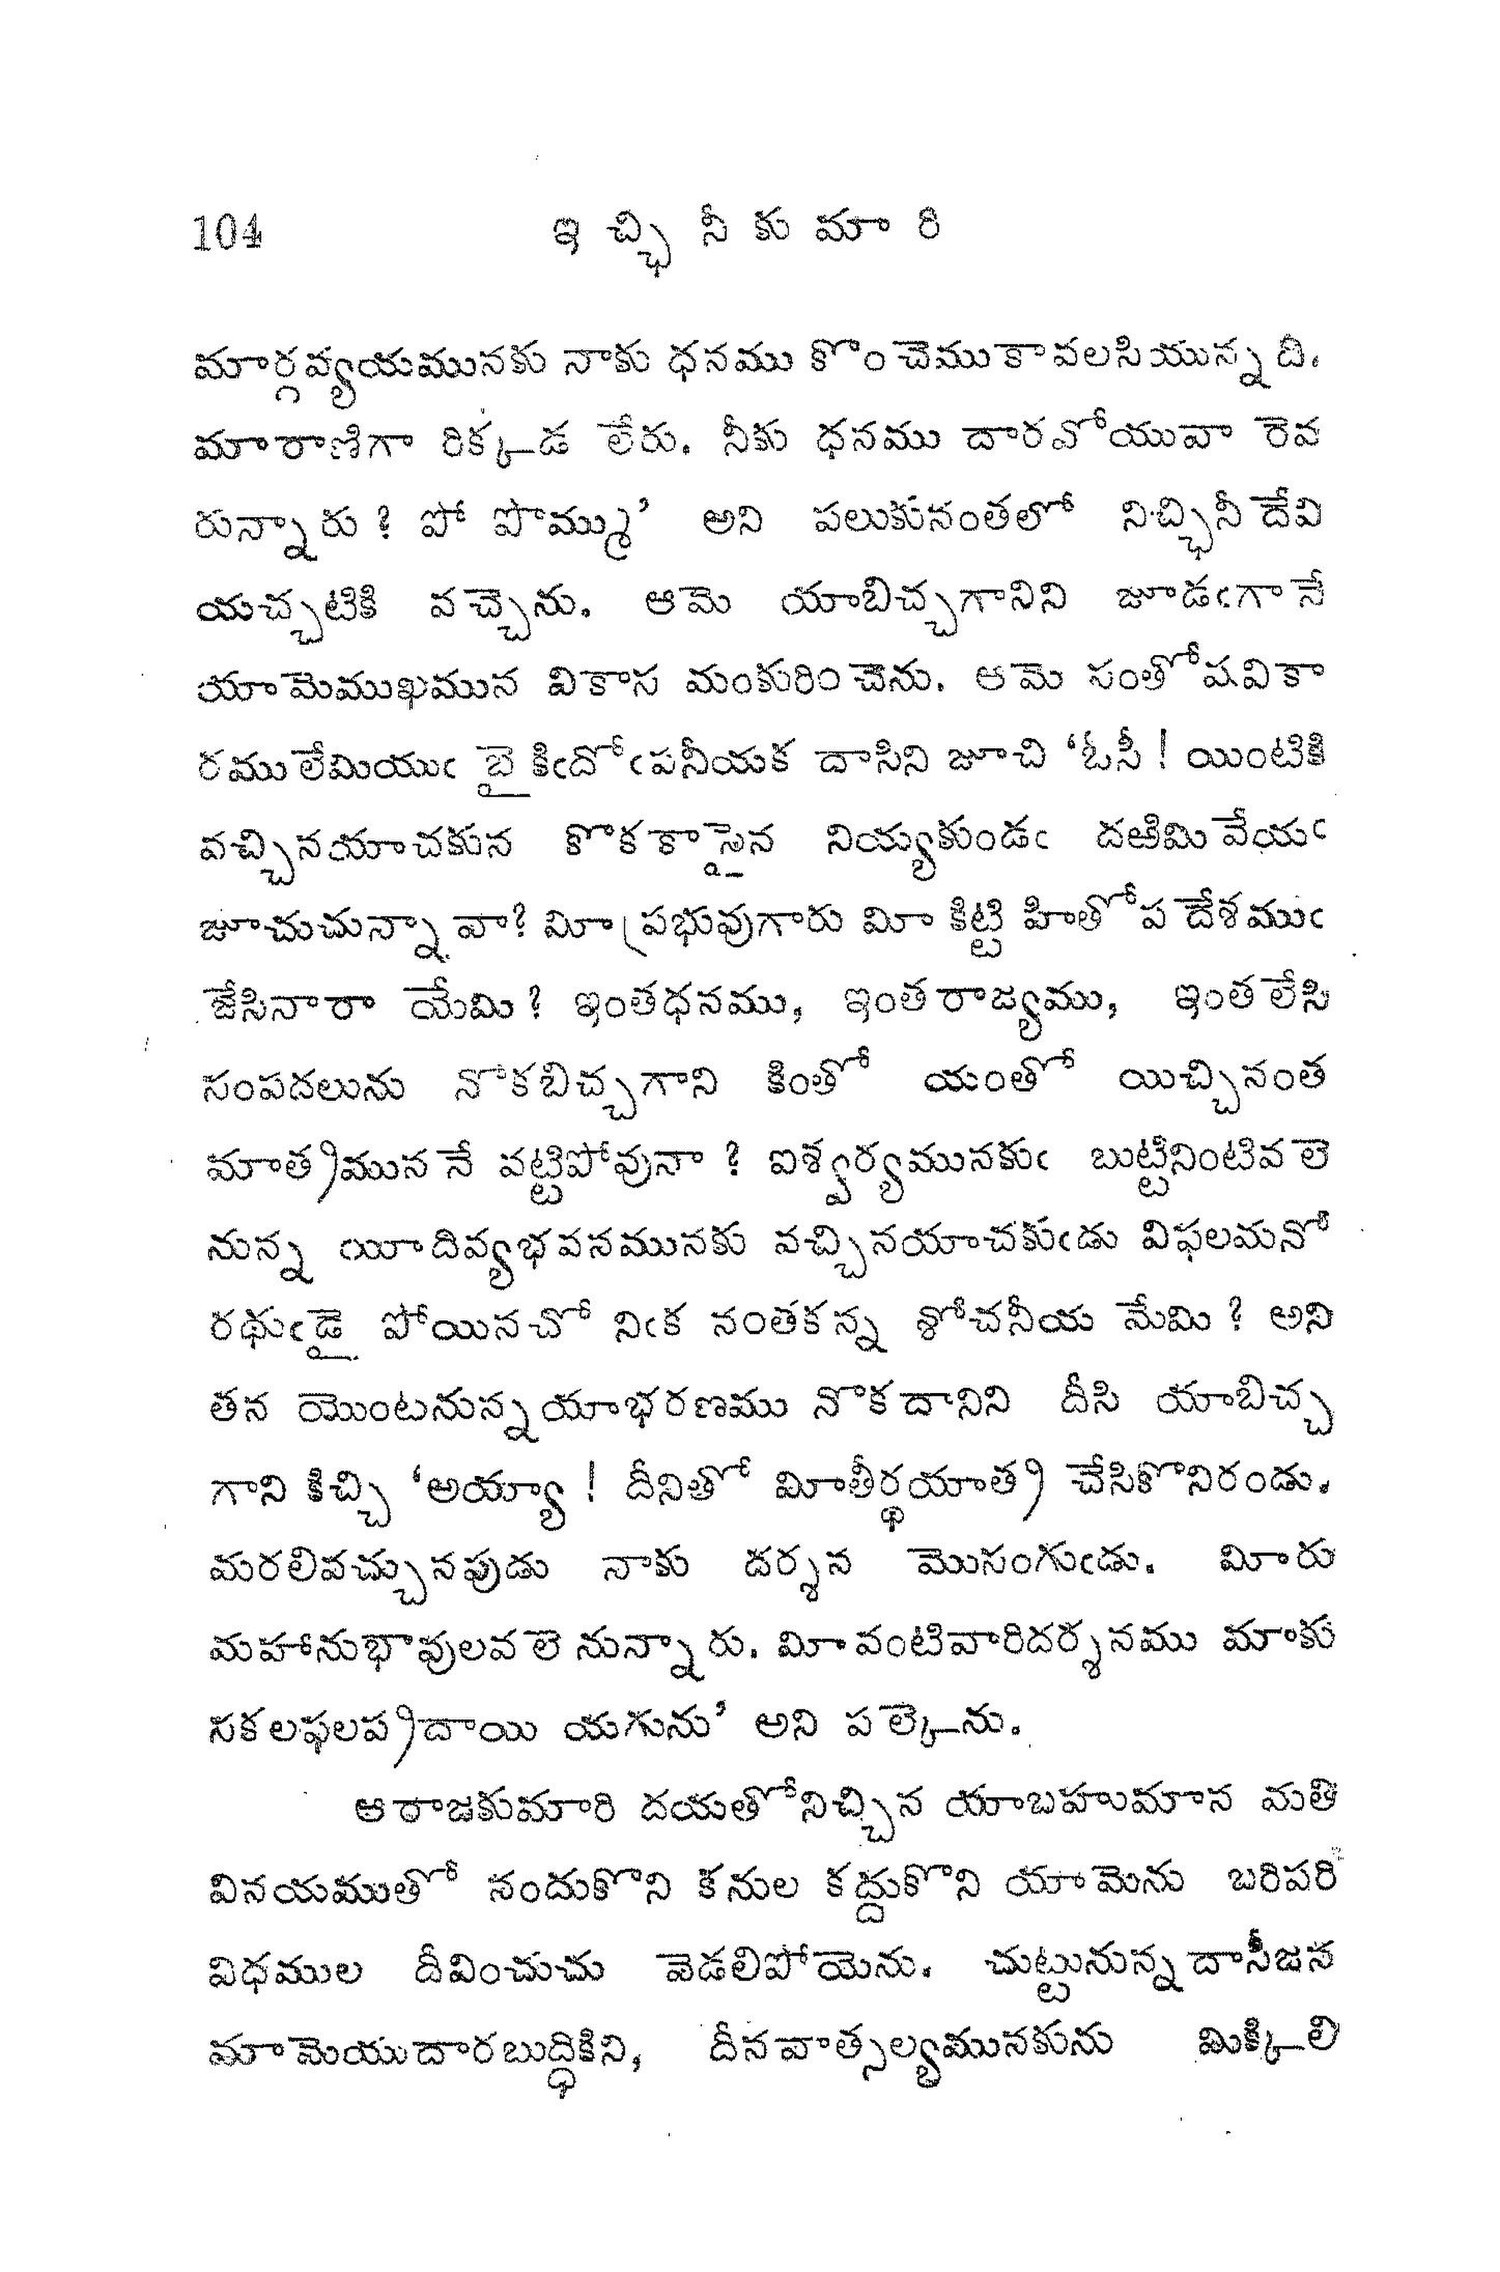మార్గవ్యయమునకు నాకు ధనము కొంచెము కావలసి యున్నది. మారాణిగా రిక్కడ లేరు. నీకు ధనము దారవోయువా రెవ రున్నారు ? పో పొమ్ము' అని పలుకునంతలో నిచ్ఛినీ దేవి యచ్చటికి వచ్చెను. ఆమె యాబిచ్చగానిని జూడఁగా నే యా మేముఖమున వికాస మంకురిం చెను. ఆమె సంతోషవికా రము లేమియుఁ బై కిఁదోఁపనీయక దాసిని జూచి 'ఓసీ ! యింటికి వచ్చిన యాచకున కొక కాసైన నియ్యకుండఁ దఱిమి వేయఁ జూచుచున్నావా? మీ ప్రభువుగారు మీ కిట్టి హితోప దేశముఁ జేసినారా యేమి ? ఇంతధనము, ఇంత రాజ్యము, ఇంత లేసి సంపదలును నొకబిచ్చగాని కింతో యంతో యిచ్చినంత మాతమున నే వట్టిపోవునా ? ఐశ్వర్యమునకుఁ బుట్టినింటిన లె నున్న యీ దివ్యభవనమునకు వచ్చినయాచకుఁడు విఫలమనో రథుఁడై పోయినచో నిఁక నంతకన్న శోచనీయ మేమి ? అని తన యింటనున్న యాభరణము నొక దానిని దీసి యాబిచ్చ గాని కిచ్చి 'అయ్యా ! దీనితో సతీర్థయాత చేసికొనిరండు. మరలివచ్చునపుడు నాకు దర్శన మొసంగుఁడు.మీరు మహానుభావులవలె నున్నారు. మీ వంటివారిదర్శనము మాకు సకలఫలప్రదాయి యగును' అని పల్కెను.

ఆ రాజకుమారి దయతోనిచ్చిన యాబహుమాన మతి వినయముతో నందుకొని కనుల కద్దుకొని యామెను బరిపరి విధముల దీవించుచు వెడలిపోయెను. చుట్టునున్న దాసీజన మా మెయు దారబుద్ధిని, దీన వాత్సల్యమునకును మిక్కిలి